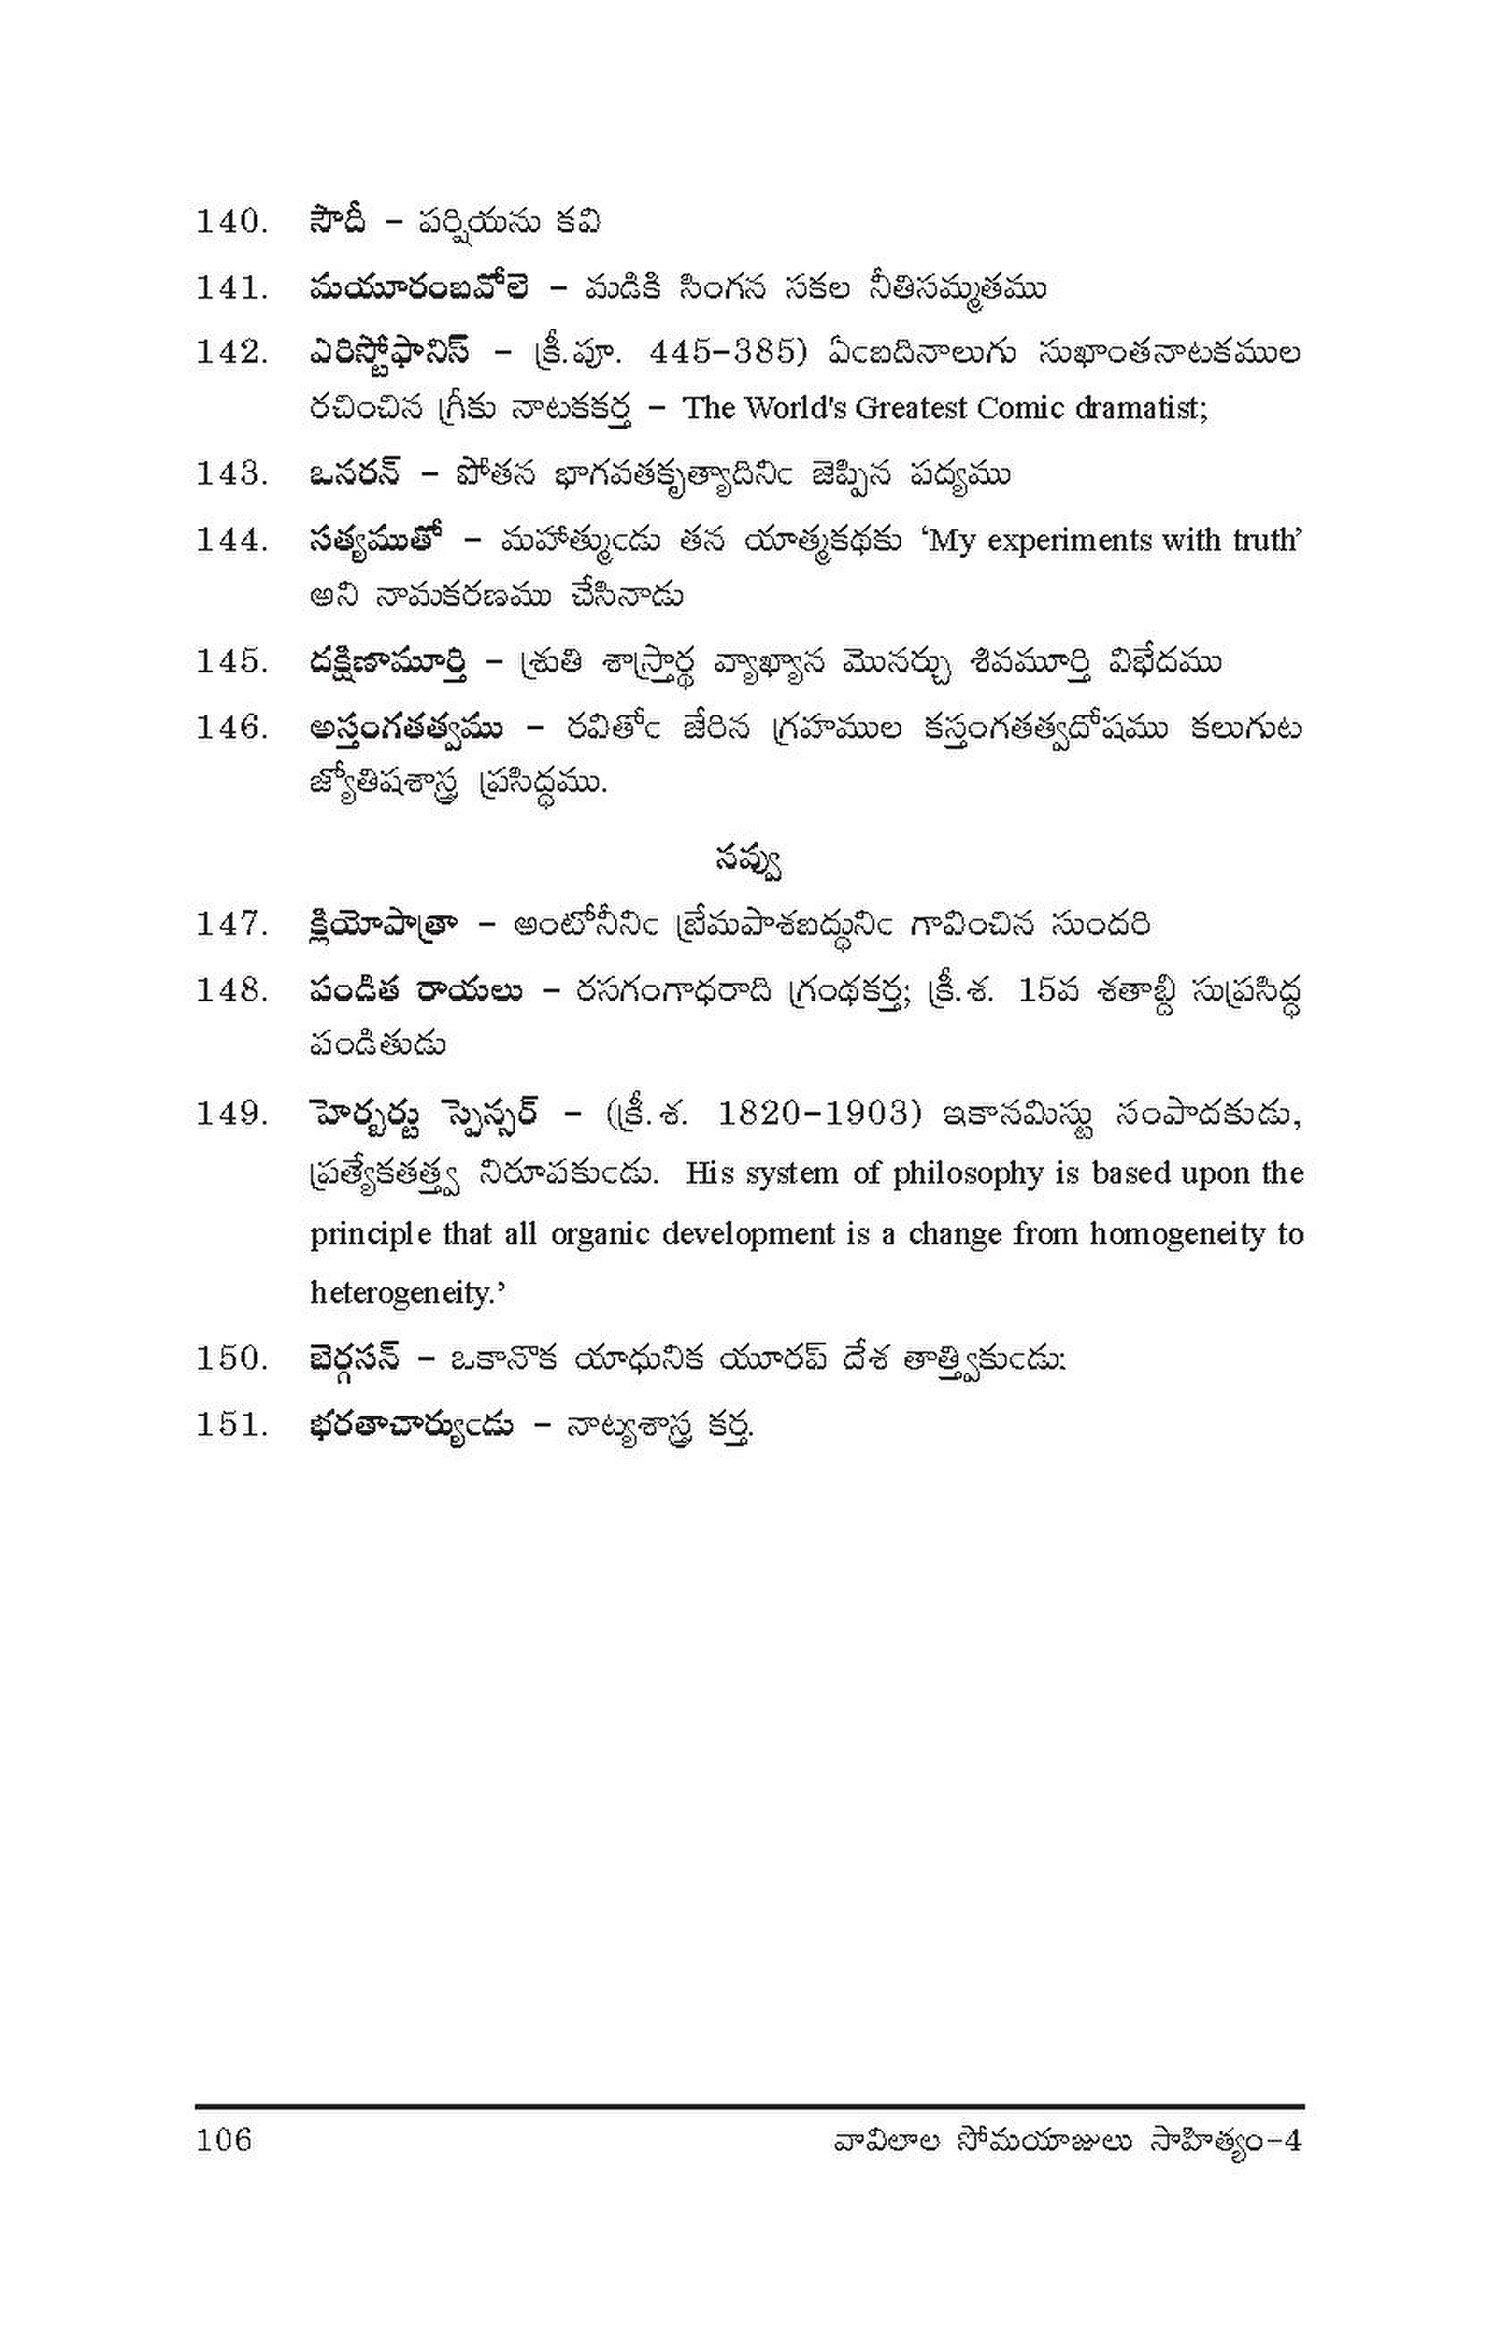140. సౌదీ - పర్షియను కవి

141. మయూరంబవోలె - మడికి సింగన సకల నీతి సమ్మతము

142. ఎరిస్టోఫానిస్ - క్రీ.పూ. 445-385) ఏఁబదినాలుగు సుఖాంతనాటకముల
రచించిన గ్రీకు నాటకకర్త - The World's Greatest Comic dramatist;

143. ఒనరన్ - పోతన భాగవతకృత్యాదినిఁ జెప్పిన పద్యము

144. సత్యముతో - మహాత్ముఁడు తన యాత్మకథకు 'My experiments with truth’
అని నామకరణము చేసినాడు.

145. దక్షిణామూర్తి - శ్రుతి శాస్త్రార్థ వ్యాఖ్యాన మొనర్చు శివమూర్తి విభేదము

146. అస్తంగతత్వము - రవితోఁ జేరిన గ్రహముల కస్తంగతత్వదోషము కలుగుట
జ్యోతిషశాస్త్ర ప్రసిద్ధము.

147. క్లియోపాత్రా అంటోనీనిఁ బ్రేమపాశబద్ధునిఁ గావించిన సుందరి

148. పండిత రాయలు - రసగంగాధరాది గ్రంథకర్త; క్రీ.శ. 15వ శతాబ్ది సుప్రసిద్ధ
పండితుడు

149. హెర్బర్టు స్పెన్సర్ - (క్రీ.శ. 1820-1903) ఇకానమిస్టు సంపాదకుడు,
ప్రత్యేకతత్త్వ నిరూపకుఁడు. His system of philosophy is based upon the
principle that all organic development is a change from homogeneity to
heterogeneity.'

150. బెర్గసన్ - ఒకానొక యాధునిక యూరప్ దేశ తాత్త్వికుఁడు:

151. భరతాచార్యుఁడు - నాట్యశాస్త్ర కర్త.